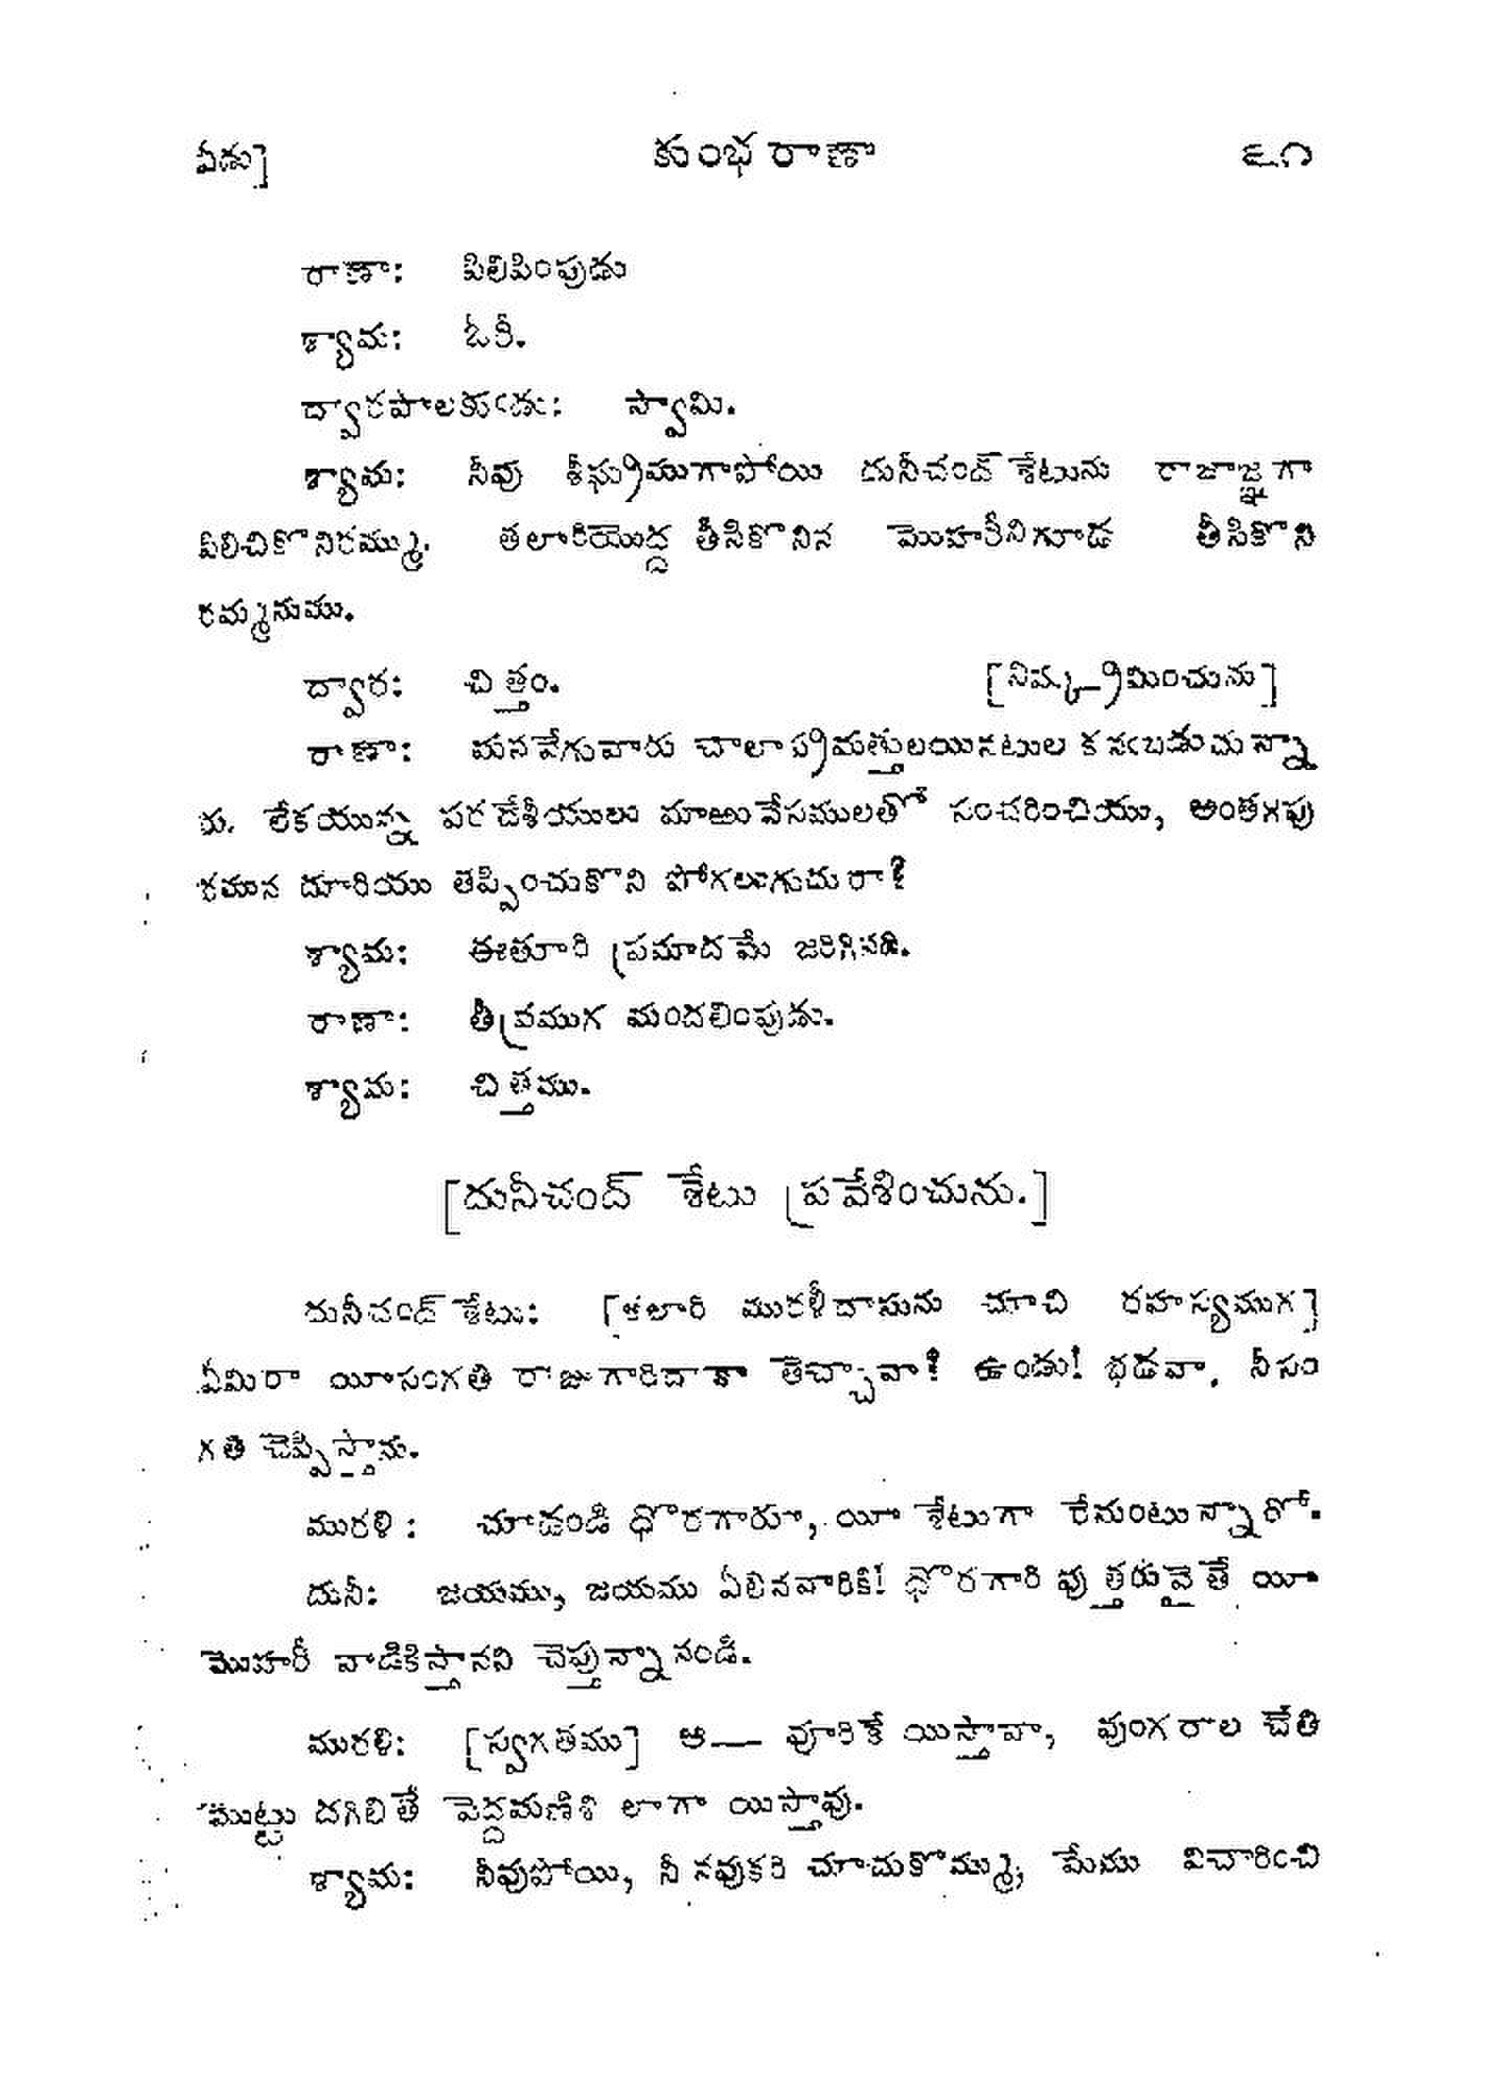రాణా : పిలిపింపుడు.

శ్యామ : ఓరీ.

ద్వారపాలకుఁడు : స్వామి.

శ్యామ : నీవు శీఘ్రముగాపోయి దునీచంద్‌ శేటును రాజాజ్ఞగా పిలిచికొనిరమ్ము. తలారియొద్ద తీసికొనిన మొహరీనిగూడ తీసికొనిరమ్మనుము.

ద్వార : చిత్తం. [నిష్క్రమించును.]

రాణా : మనవేగువారు చాలాప్రమత్తులయినటుల కనఁబడుచున్నారు. లేకయున్న పరదేశీయులు మాఱువేసములతో సంచరించియు, అంత:పురమున దూరియు తప్పించుకొని పోగలుగుదురా ?

శ్యామ : ఈతూరి ప్రమాదమే జరిగినది.

రాణా : తీవ్రముగ మందలింపుడు.

శ్యామ : చిత్తము.

దునీచంద్ శేటు : [తలారి మురళీదాసును చూచి రహస్యముగ] ఏమిరా యీసంగతి రాజుగారిదాకా తెచ్చావా? ఉండు ! భడవా, నీసంగతి చెప్పిస్తాను.

మురళి : చూడండి ధొరగారూ, యీ శేటుగా రేమంటున్నారో.

దునీ : జయము, జయము ఏలినవారికి ! ధొరగారి వుత్తరువైతే యీ మొహరీ వాడికిస్తానని చెప్తున్నానండి.

మురళి : [స్వగతము] ఆ - వూరికే యిస్తావా, వుంగరాల చేతి ముట్టు దగిలితే పెద్దమణిశి లాగా యిస్తావు.

శ్యామ : నీవుపోయి, నీ నవుకరి చూచుకొమ్ము. మేము విచారించి